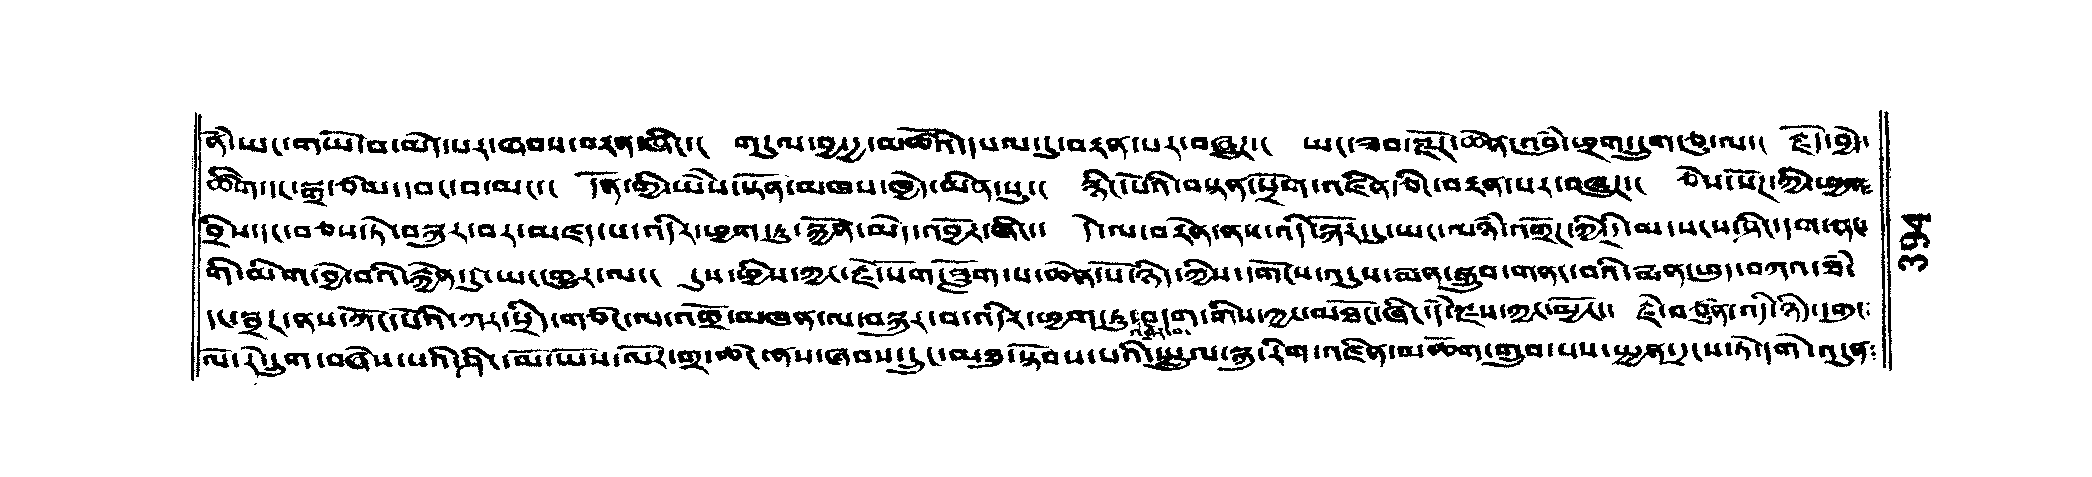།ནམ་ཡང་གཡོ་བ་མེད་པར་ཞབས་བརྟན་ཞིང་། །གདུལ་བྱ་རྒྱ་མཚོའི་དཔལ་དུ་བརྟན་པར་བཞུགས། །ཡང་ཟབ་རྫོགས་ཆེན་འབུམ་ཕྲག་དྲུག་ཅུ་ལ། །རྗོད་བྱེད་
ཚིག་དང་སྒྲ་ཙམ་དབང་བ་མང་། །དོན་གྱི་ཡེ་ཤེས་སྟོན་མཁས་ཁྱེད་མིན་སུ། །སྙིང་པོའི་བསྟན་སྲོག་འཛིན་ཅིང་བརྟན་པར་བཞུགས། ཅེས་སོགས་ཀྱི་ཕྱག་
བྲིས་དང་བཅས་ཏེ་བསྐུར་བར་མཛད་པ་འདིར་ཕྱག་ཏུ་སྐྱོན་མེད་འབྱོར་ཞིང་། དེ་ལ་བརྟེན་ནས་འདི་སྐོར་དུ་ཡང་མཉམ་འགྲོགས་ཀྱི་དྲི་མ་སངས་ཤིང་དག་སྣང་
གི་མིག་བྱེ་བའི་རྐྱེན་དུ་ཡང་གྱུར་ལ།དུས་ཕྱིས་ཀྱང་རྗེ་སོག་ཟློག་པ་ཆེན་པོ་ཉིད་ཀྱིས་དགོངས་འདུས་སྨན་སྒྲུབ་གནང་བའི་སྨན་ཕུད་བཀའ་ཐམ་
དང་སྦྲགས་ནས་ཀོང་པོའི་ཀར་སྲིད་གཙང་ལ་འགྲོ་མཁན་ལ་བསྐུར་བ་འདིར་ཕྱག་ཏུ་འབྱོར་བ་བདག་གིས་ཀྱང་མཐོང་ཞིང་དམ་རྫས་ཀྱང་མྱོང་། རྗེ་བཙུན་འདི་ཉིད་དགུ་
ལོ་རེ་དྲུག་བཞེས་པའི་ཤིང་མོ་ཡོས་ལོར་གྲྭ་ཚང་ནས་ཞབས་དྲུང་མཐུ་སྟོབས་པའི་སྤྲུལ་སྐུ་རིག་འཛིན་མཆོག་གྲུབ་པས་སྤྱན་དྲངས་ཏེ་དགེ་འདུན་